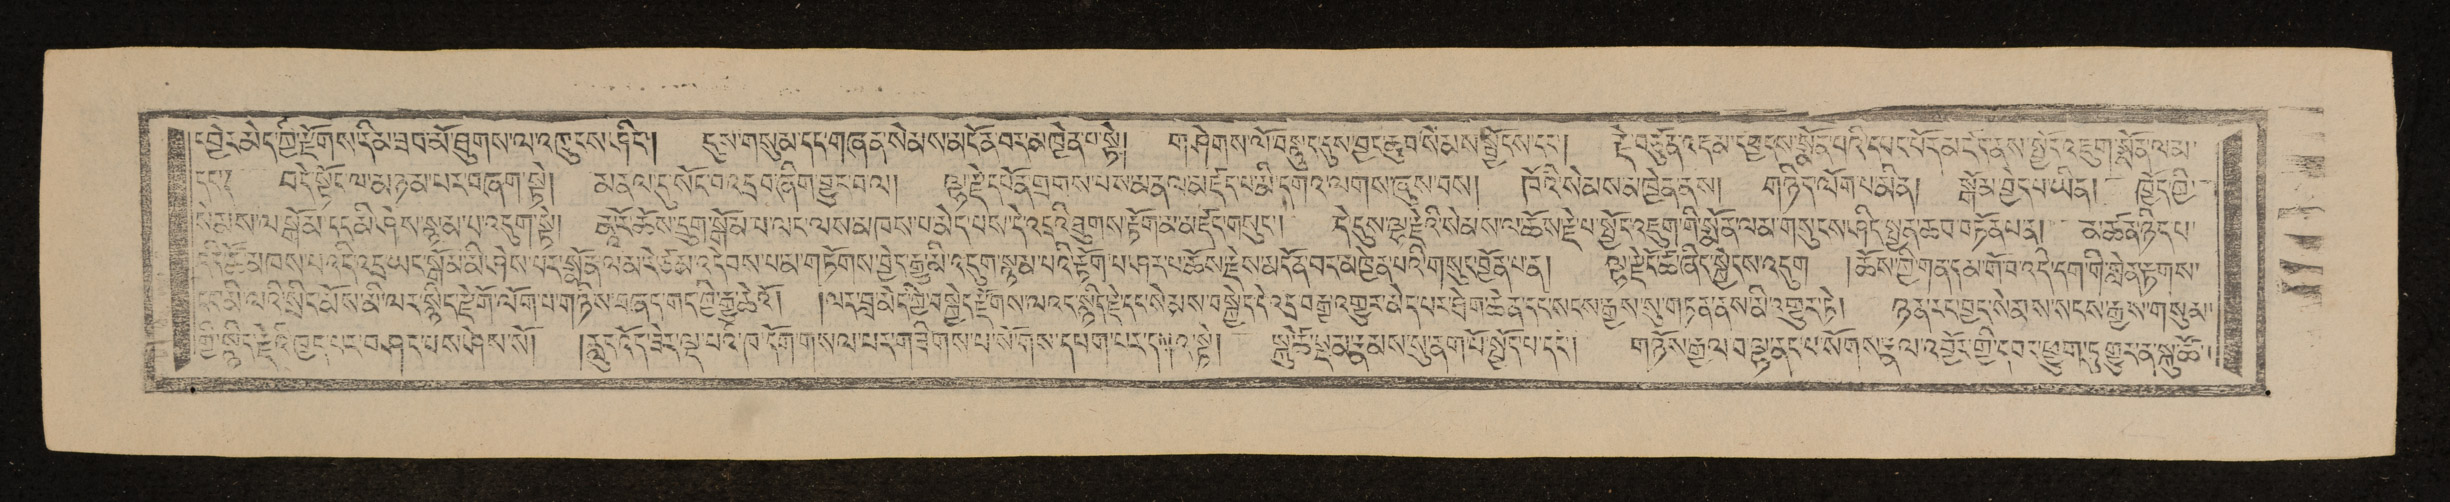དབྱེར་མེད་ཀྱི་རྫོགས་རིམ་ཟབ་མོ་ཐུགས་ལ་འཁྲུངས་ཤིང་། དུས་གསུམ་དང་གཞན་སེམས་མངོན་པར་མཁྱེན་པ་སྟེ། གཤེགས་ལོ་བསྙུང་དུས་བྱང་ཆུབ་སེམས་སྦྱོངས་དང་། རྗེ་བཙུན་འཇམ་དབྱངས་སྨོན་པའི་དཔང་པོར་མཛད་ནས་སྦྱོང་འཇུག་སྨོན་ལམ་
དང༑ བདེ་སྟོང་ལ་མཉམ་པར་བཞག་སྟེ། མནལ་དུ་སོང་བ་འདྲ་བ་ཞིག་བྱུང་བ་ལ། ལྷ་རྗེ་དཔོན་གྲགས་པས་མནལ་མཛད་པ་མི་དགའ་ལགས་ཞུས་པས། ཁོའི་སེམས་མཁྱེན་ནས། གཉིད་ལོག་པ་མིན། སྒོམ་བྱེད་པ་ཡིན། ཁྱོད་ཀྱི་
སེམས་ལ་སྒོམ་རང་མི་ཤེས་སྙམ་པ་འདུག་སྟེ། ནཱ་རོ་ཆོས་དྲུག་སྒོམ་པ་ལ་ང་ལས་མཁས་པ་མེད་པས་དེ་འདྲའི་ཐུགས་རྟོག་མ་མཛད་གསུང་། དེ་དུས་ལྷ་རྗེའི་སེམས་ལ་ཆོས་རྗེ་བ་སྤྱོད་འཇུག་གི་སྨོན་ལམ་གསུངས་ཤིང་སྤྱན་ཆབ་བཏོན་པ་ན། མཚན་ཉིད་པ་
འདི་ཚོ་མཁས་པ་འདི་འདྲ་ཡང་སྒོམ་མི་ཤེས་པར་སྨོན་ལམ་རེ་ཙམ་འདེབས་པ་མ་གཏོགས་བྱེད་རྒྱུ་མི་འདུག་སྙམ་པའི་རྟོག་པ་ཤར་པ་ཆོས་རྗེས་མངོན་པར་མཁྱེན་པའི་གསུང་བྱོན་པ་ན། ལྷ་རྗེ་ངོ་ཚ་ཞིང་སྐྱེངས་འདུག །ཆོས་ཀྱི་གནད་མགོ་བ་འདི་དག་གི་གླེན་རྟགས་
དང་མི་ལའི་སྲིང་མོས་མི་ལར་སྙིང་རྗེ་གོ་ལོག་པ་གཉིས་བཞད་གང་ཀྱི་རྒྱུ་ཆེའོ། །ལར་བླ་མེད་ཀྱི་བསྐྱེད་རྫོགས་ལའང་སྙིང་རྗེ་དང་སེམས་བསྐྱེད་དེ་འདྲ་བརྒྱ་འགྱུར་མེད་པར་ཐེག་ཆེན་དང་སངས་རྒྱས་སུ་གཏན་ནས་མི་འགྱུར་ཏེ། ཉན་རང་བྱང་སེམས་སངས་རྒྱས་གསུམ་
གྱི་སྙིང་རྗེའི་ཁྱད་པར་བཤད་པས་ཤེས་སོ། །རླུང་འོད་ཟེར་ལྔ་པའི་ཁ་དོག་གསལ་བར་གཟིགས་པ་སོགས་དཔག་པར་དཀའ་སྟེ། སྐུ་ཚེ་སྔ་མ་རྣམས་སུ་ནག་པོ་སྤྱོད་པ་དང་། གཉོས་རྒྱལ་བ་ལྷ་ནང་པ་སོགས་རྣལ་འབྱོར་གྱི་དབང་ཕྱུག་ཏུ་གྱུར་ན་སྐུ་ཚེ་